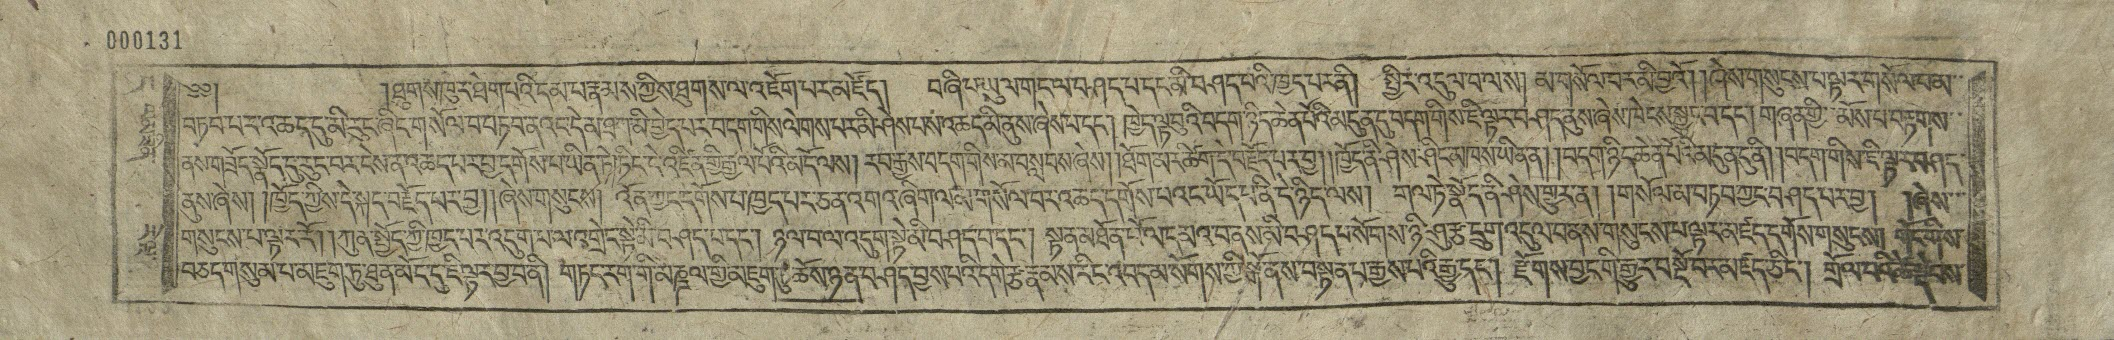༄༅། །ཐུགས་ཁུར་ཐེག་པའི་དམ་པ་རྣམས་ཀྱིས་ཐུགས་ལ་འཇོག་པར་མཛོད། བཞི་པ་ཡུལ་གང་ལ་བཤད་པ་དང་མི་བཤད་པའི་ཁྱད་པར་ནི། སྤྱིར་འདུལ་བ་ལས། མ་གསོལ་བར་མི་བྱའོ། །ཞེས་གསུངས་པ་ལྟར་གསོལ་བ་མ་
བཏབ་པར་འཆད་དུ་མི་རུང་ཞིང་གསོལ་བ་བཏབ་ནའང་དེ་མ་ཐག་མི་བྱེད་པར་བདག་གིས་ལེགས་པར་མི་ཤེས་པས་འཆད་མི་ནུས་ཞེས་པ་དང་། ཁྱེད་ལྟ་བུའི་བདག་ཉིད་ཆེན་པོའི་མདུན་དུ་བདག་གིས་ཇི་ལྟར་བཤད་ནུས་ཞེས་ཁེངས་སྐྱུང་བ་དང་། གཞན་གྱི་མོས་པ་བརྟགས་
ནས་གཟོད་སྣོད་དུ་རུང་བར་ངེས་ན་འཆད་པར་བྱ་དགོས་པ་ཡིན་ཏེ། ཏིང་ངེ་འཛིན་གྱི་རྒྱལ་པོའི་མདོ་ལས། རབ་རྒྱས་བདག་གིས་མ་བསླབས་ཞེས། །ཐོག་མར་ཚིག་དེ་བརྗོད་པར་བྱ། །ཁྱོད་ནི་ཤེས་ཤིང་མཁས་ཡིན་ན། །བདག་ཉིད་ཆེན་པོའི་མདུན་དུ་ནི། །བདག་གིས་ཇི་ལྟར་བཤད་
ནུས་ཞེས། །ཁྱོད་ཀྱིས་དེ་སྐད་བརྗོད་པར་བྱ། །ཞེས་གསུངས། འོན་ཀྱང་དགོས་པ་ཁྱད་པར་ཅན་འགའ་ཞིག་ལ་མ་གསོལ་བར་འཆད་དགོས་པའང་ཡོད་པ་ནི་དེ་ཉིད་ལས། གལ་ཏེ་སྣོད་ནི་ཤེས་གྱུར་ན། །གསོལ་མ་བཏབ་ཀྱང་བཤད་པར་བྱ། །ཞེས་
གསུངས་པ་ལྟར་རོ། །ཀུན་སྤྱོད་ཀྱི་ཁྱད་པར་འདུག་པ་ལ་འགྲེང་སྟེ་མི་བཤད་པ་དང་། ཉལ་བ་ལ་འདུག་སྟེ་མི་བཤད་པ་དང་། སྟན་མཐོན་པོ་ལ་དམའ་བ་ནས་མི་བཤད་པ་སོགས་ཉི་ཤུ་རྩ་དྲུག་འདུལ་བ་ནས་གསུངས་པ་ལྟར་མཛད་དགོས་གསུངས། གོང་གི་ས་
བཅད་གསུམ་པ་མཇུག་ཏུ་ཐུན་མོང་དུ་ཇི་ལྟར་བྱ་བ་ནི། གཏང་རག་གི་མཎྜལ་?་གྱི་མཇུག་ཏུ་ཆོས་ཉན་བཤད་བྱས་པའི་དགེ་རྩ་རྣམས་རིང་འབད་མ་སོགས་ཀྱི་སྒོ་ནས་བསྟན་པ་རྒྱས་པའི་རྒྱུ་དང་། རྫོགས་བྱང་གི་རྒྱུར་བསྔོ་བར་མཛད་ཅིང་། གྲོལ་བའི་ཚེ་སྡེབས་